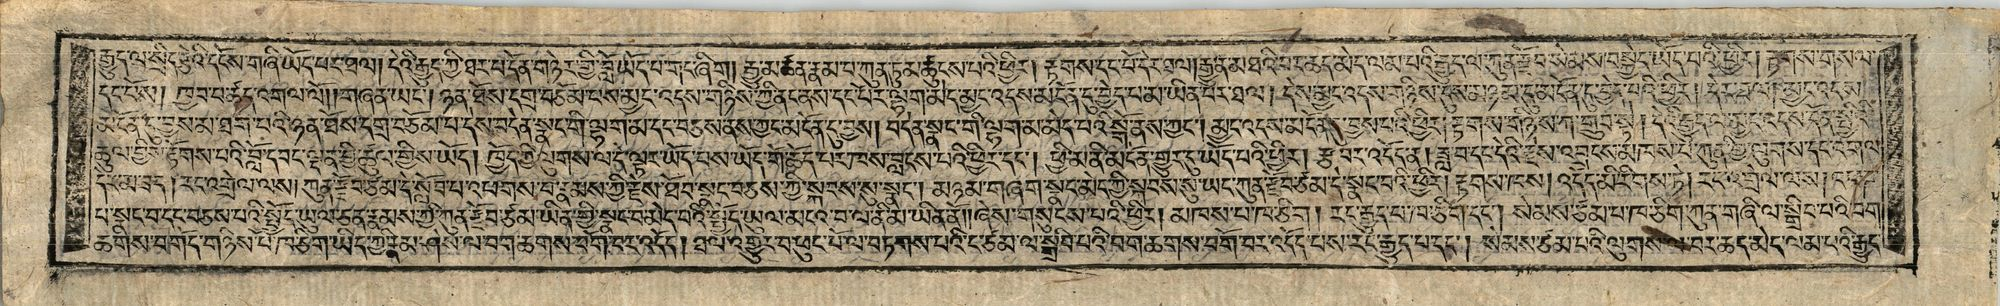རྒྱུད་ལ་སྲིད་རྩེའི་དངོས་གཞི་ཡོད་པར་ཐལ། དེའི་རྒྱུད་ཀྱི་ཐར་པ་དོན་གཉེར་གྱི་བློ་ཡོད་པ་གང་ཞིག །རྒྱུ་མཚན་རྣམ་པ་ཀུན་ཏུ་མཚུངས་པའི་ཕྱིར། རྟགས་དང་པོ་དེར་ཐལ། རྒྱུན་མཐའི་བར་ཆད་མེད་ལམ་པའི་རྒྱུད་ལ་ཀུན་རྫོབ་སེམས་བསྐྱེད་ཡོད་པའི་ཕྱིར། རྟགས་གསལ་
དང་པོས། ཁྱབ་པ་ཚད་འགལ་ལོ། །གཞན་ཡང་། ཉན་ཐོས་དགྲ་བཅོམ་བས་མྱང་འདས་གཉིས་ཀྱི་ནང་ནས་དང་པོར་ལྷག་མེད་མྱང་འདས་མངོན་དུ་བྱེད་པ་མ་ཡིན་པར་ཐལ། དེས་མྱང་འདས་གཉིས་དུས་མཉམ་དུ་མངོན་དུ་བྱེད་པའི་ཕྱིར། དེར་ཐལ། མྱང་འདས་
མངོན་དུ་བྱས་མ་ཐག་པའི་ཉན་ཐོས་དགྲ་བཅོམ་པ་དེས་བདེན་སྣང་གི་ལྷག་མ་དང་བཅས་ནས་ཀྱང་མངོན་དུ་བྱས། བདེན་སྣང་གི་ལྷག་མ་མེད་པའི་སྒོ་ནས་ཀྱང་། མྱང་འདས་མངོན་དུ་བྱས་པའི་ཕྱིར། རྟགས་གཉིས་ཀ་གྲུབ་སྟེ། དེའི་རྒྱུད་ལ་མྱང་འདས་དོན་སྤྱིའི་
ཚུལ་གྱིས་རྟོགས་པའི་བློ་དབང་ལྡན་གྱི་ཚུལ་གྱིས་ཡོད། ཁྱོད་ཀྱི་ལུགས་ལ་དེ་ལྟར་ཡོད་པས་ཡོད་གོ་ཆོད་པར་ཁས་བླངས་པའི་ཕྱིར་དང་། ཕྱི་མ་ནི་མངོན་གྱུར་དུ་ཡོད་པའི་ཕྱིར། རྩ་བར་འདོད་ན། ཟླ་བ་དང་དེའི་རྗེས་འབྲངས་མཁས་པ་ཀུན་གྱི་ལུགས་དང་འགལ་
དེར་མ་ཟད། རང་འགྲེལ་ལས། ཀུན་རྫོབ་ཙམ་དེ་སློབ་པ་འཕགས་བ་རྣམས་ཀྱི་རྗེས་ཐོབ་སྣང་བཅས་ཀྱི་སྐབས་སུ་སྣང་། མཉམ་གཞག་སྣང་མེད་ཀྱི་སྐབས་སུ་ཡང་ཀུན་རྫོབ་ཙམ་དེ་སྣང་བའི་ཕྱིར། རྟགས་ཁས། འདོད་མི་རིགས་ཏེ། རང་འགྲེལ་ལས། འཕགས་
པ་སྣང་བ་དང་བཅས་པའི་སྤྱོད་ཡུལ་ཅན་རྣམས་ཀྱི་ཀུན་རྫོབ་ཙམ་ཡིན་གྱི་སྣང་བ་མེད་པའི་སྤྱོད་ཡུལ་མངའ་བ་ལ་ནི་མ་ཡིན་ནོ། །ཞེས་གསུངས་པའི་ཕྱིར། མཁས་པ་ཁ་ཅིག །རང་རྒྱུད་པ་ཁ་ཅིག་དང་། སེམས་ཙམ་པ་ཁ་ཅིག་ཀུན་གཞི་ལ་སྒྲིབ་པའི་བག་
ཆགས་བགོདགྙིས་པོ་ཁ་ཅིག་ཡིད་ཀྱི་རྣམ་ཤེས་ལ་བག་ཆགས་བགོ་བར་འདོད། ཐལ་འགྱུར་བ་ཕུང་པོ་ལ་བཏགས་པའི་ང་ཙམ་ལ་སྒྲིབ་པའི་བག་ཆགས་བགོ་བར་འདོད་པས་རང་རྒྱུད་པ་དང་། སེམས་ཙམ་པའི་ལུགས་ལ་བར་ཆད་མེད་ལམ་པའི་རྒྱུད་